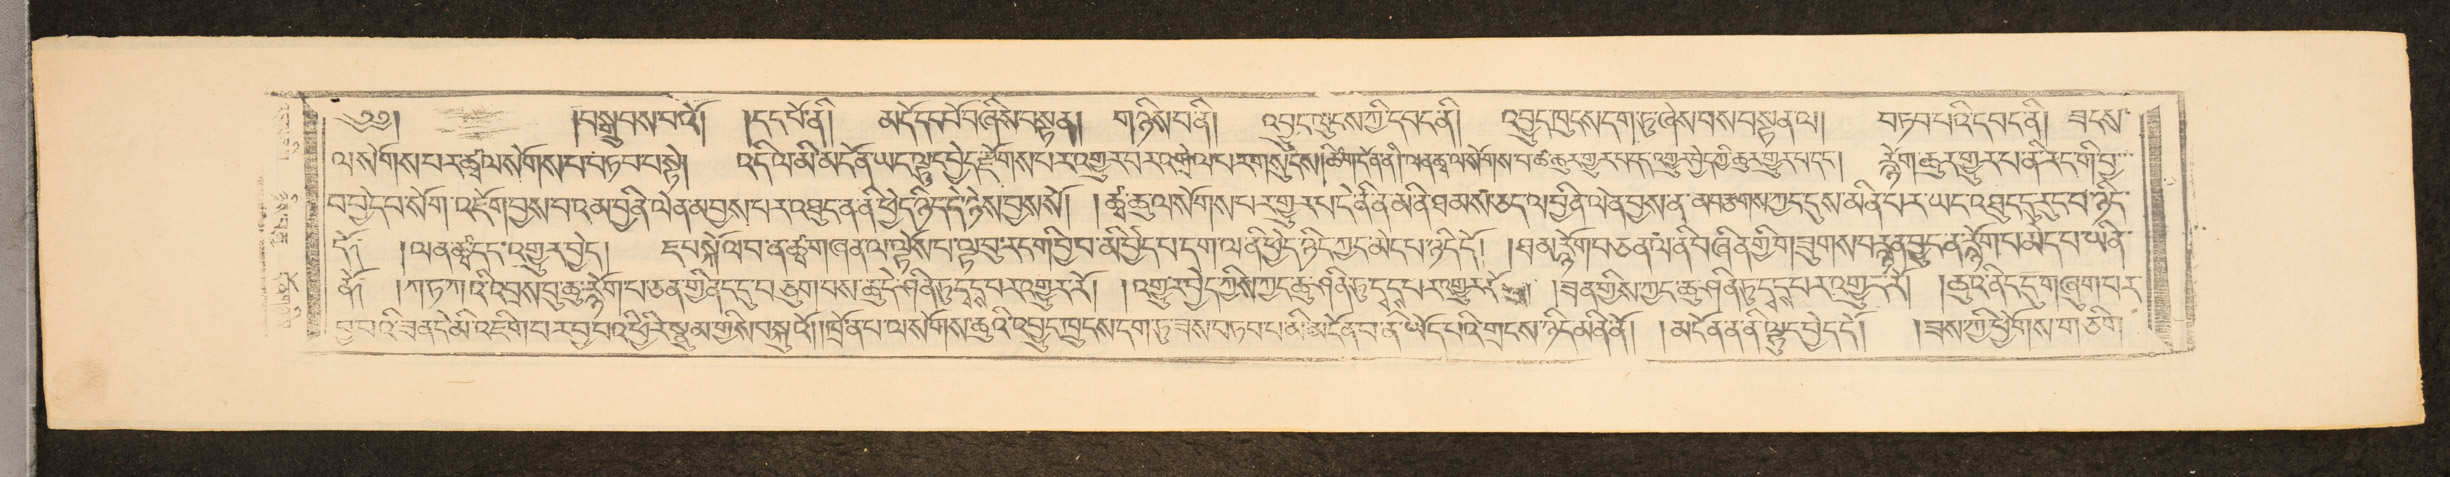༄༅། །བསྒྲུབས་པའོ། །དང་པོ་ནི། མདོ་དང་བོ་བཞིས་བསྟན། གཉིས་པ་ནི། འབྱུང་ཁུངས་ཀྱི་དབང་ནི། འབྱུང་ཁུངས་དག་ཏུ་ཞེས་པས་བསྟན་ལ། བཏབ་པའི་དབང་ནི། ཟངས་
ལ་སོགས་བར་ཚྭ་ལ་སོགས་པ་བཏབ་པ་སྟེ། འདི་ལ་མི་མངོན་ཡང་ལྟུང་བྱེད་རྫོགས་པར་འགྱུར་བར་འགྲེལ་པར་གསུངས་།ཚིག་དོན་ནི། ལན་ཚྭ་ལ་སོགས་པ་ཚ་ཆུར་གྱུར་བ་དང་འགྱུར་བྱེད་ཀྱི་ཆུར་གྱུར་པ་དང་། རྙོག་ཆུར་གྱུར་པ་ནི་རང་གི་བྱ་
བ་བྱེད་པ་སོག་འཇོག་བྱས་པའམ་བྱིན་ལེན་མ་བྱས་པར་འཐུང་ན་ནི་ཕྱེད་ཉིད་དེ་ཉེས་བྱས་སོ། །ཚྭ་ཆུ་ལ་སོགས་པར་གྱུར་པ་དེ་ནི་ན་མིན་ཐམས་ཅད་ལ་བྱིན་ལེན་བྱས་ན་མ་བརྩགས་ཀྱད་དུས་མིན་པར་ཡང་འཐུང་དུ་རུང་བ་ཉིད་
དོ༑ །ལན་ཚྭ་དང་འགྱུར་བྱེད། ཇ་བསྐོལ་བ་ན་ཚྭ་གཞན་ལ་ལྟོས་པ་ལྟ་བུ་རང་གི་བྱ་བ་མི་བྱེད་པ་དག་ལ་ནི་ཕྱེད་ཉིད་ཀྱང་མེད་པ་ཉིད་དོ། །ཐམ་རྙོག་པ་ཅན་ལ་ནི་བཞིན་གྱི་གཟུགས་བརྙན་བྱུང་ན་རྙོག་པ་མེད་པ་ཡིན་
ནོ༑ །ཀ་ཏ་ཀའི་འབྲས་བུ་ཆུ་རྙོག་པ་ཅན་ཕྱི་ནང་དུ་བཅུག་པས་ཆུ་དེ་ཤིན་ཏུ་དྭངས་པར་འགྱུར་རོ། །འགྱུར་བྱེད་ཀྱིས་ཀྱང་ཆུ་ཤིན་ཏུ་དྭངས་པར་འགྱུར་རོ། །ཟན་གྱིས་ཀྱང་ཆུ་ཤིན་ཏུ་དྭངས་པར་འགྱུར་རོ། །ཆུའི་ནང་དུ་གཞུག་པར་
བྱ་བའི་ཟན་དེ་མི་འཇིག་པར་བྱ་བའི་ཕྱིར་སྣུམ་གྱིས་བསྐུའོ། །ཁྲོན་པ་ལ་སོགས་ཆུའི་འབྱུང་ཁུངས་དག་ཏུ་ཟས་བཏབ་པ་མི་མངོན་པ་ནི་ཡོད་པའི་གྲངས་ཉིད་མིན་ནོ། །མངོན་ན་ནི་ལྟུང་བྱེད་དོ། །ཟས་ཀྱི་ཕྱོགས་གཅིག་